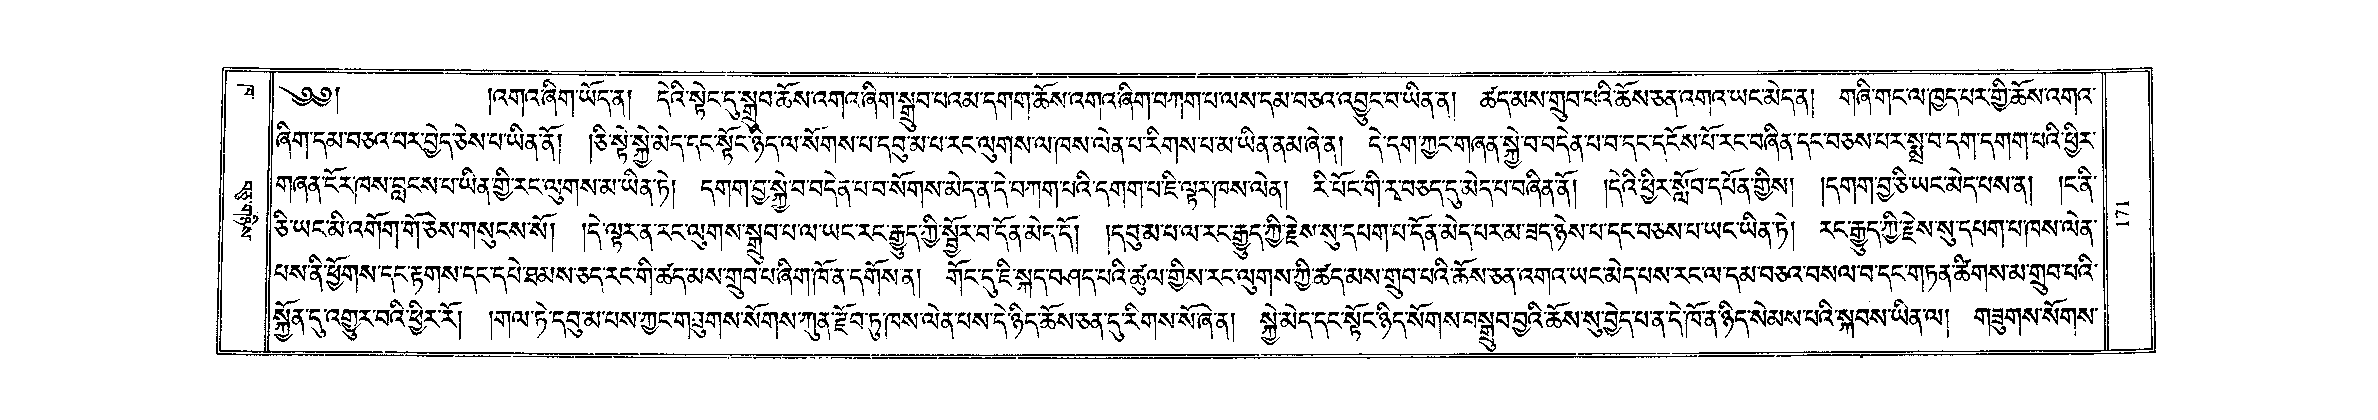༄༅། །འགའ་ཞིག་ཡོད་ན། དེའི་སྟེང་དུ་སྒྲུབ་ཆོས་འགའ་ཞིག་སྒྲུབ་པའམ་དགག་ཆོས་འགའ་ཞིག་བཀག་པ་ལས་དམ་བཅའ་འབྱུང་བ་ཡིན་ན། ཚད་མས་གྲུབ་པའི་ཆོས་ཅན་འགའ་ཡང་མེད་ན། གཞི་གང་ལ་ཁྱད་པར་གྱི་ཆོས་འགའ་
ཞིག་དམ་བཅའ་བར་བྱེད་ཅེས་པ་ཡིན་ནོ། །ཅི་སྟེ་སྐྱེ་མེད་དང་སྟོང་ཉིད་ལ་སོགས་པ་དབུ་མ་པ་རང་ལུགས་ལ་ཁས་ལེན་པ་རིགས་པ་མ་ཡིན་ནམ་ཞེ་ན། དེ་དག་ཀྱང་གཞན་སྐྱེ་བ་བདེན་པ་བ་དང་དངོས་པོ་རང་བཞིན་དང་བཅས་པར་སྨྲ་བ་དག་དགག་པའི་ཕྱིར་
གཞན་ངོར་ཁས་བླངས་པ་ཡིན་གྱི་རང་ལུགས་མ་ཡིན་ཏེ། དགག་བྱ་སྐྱེ་བ་བདེན་པ་བ་སོགས་མེད་ན་དེ་བཀག་པའི་དགག་པ་ཇི་ལྟར་ཁས་ལེན། རི་པོང་གི་རྭ་བཅད་དུ་མེད་པ་བཞིན་ནོ། །དེའི་ཕྱིར་སློབ་དཔོན་གྱིས། །དགག་བྱ་ཅི་ཡང་མེད་པས་ན། །ང་ནི་
ཅི་ཡང་མི་འགོག་གོ་ཅེས་གསུངས་སོ། །དེ་ལྟར་ན་རང་ལུགས་སྒྲུབ་པ་ལ་ཡང་རང་རྒྱུད་ཀྱི་སྦྱོར་བ་དོན་མེད་དོ། །དབུ་མ་པ་ལ་རང་རྒྱུད་ཀྱི་རྗེས་སུ་དཔག་པ་དོན་མེད་པར་མ་ཟད་ཉེས་པ་དང་བཅས་པ་ཡང་ཡིན་ཏེ། རང་རྒྱུད་ཀྱི་རྗེས་སུ་དཔག་པ་ཁས་ལེན་
པས་ནི་ཕྱོགས་དང་རྟགས་དང་དཔེ་ཐམས་ཅད་རང་གི་ཚད་མས་གྲུབ་པ་ཞིག་ཁོ་ན་དགོས་ན། གོང་དུ་ཇི་སྐད་བཤད་པའི་ཚུལ་གྱིས་རང་ལུགས་ཀྱི་ཚད་མས་གྲུབ་པའི་ཆོས་ཅན་འགའ་ཡང་མེད་པས་རང་ལ་དམ་བཅའ་བསལ་བ་དང་གཏན་ཚིགས་མ་གྲུབ་པའི་
སྐྱོན་དུ་འགྱུར་བའི་ཕྱིར་རོ། །གལ་ཏེ་དབུ་མ་པས་ཀྱང་གཟུགས་སོགས་ཀུན་རྫོབ་ཏུ་ཁས་ལེན་པས་དེ་ཉིད་ཆོས་ཅན་དུ་རིགས་སོ་ཞེ་ན། སྐྱེ་མེད་དང་སྟོང་ཉིད་སོགས་བསྒྲུབ་བྱའི་ཆོས་སུ་བྱེད་པ་ན་དེ་ཁོ་ན་ཉིད་སེམས་པའི་སྐབས་ཡིན་ལ། གཟུགས་སོགས་